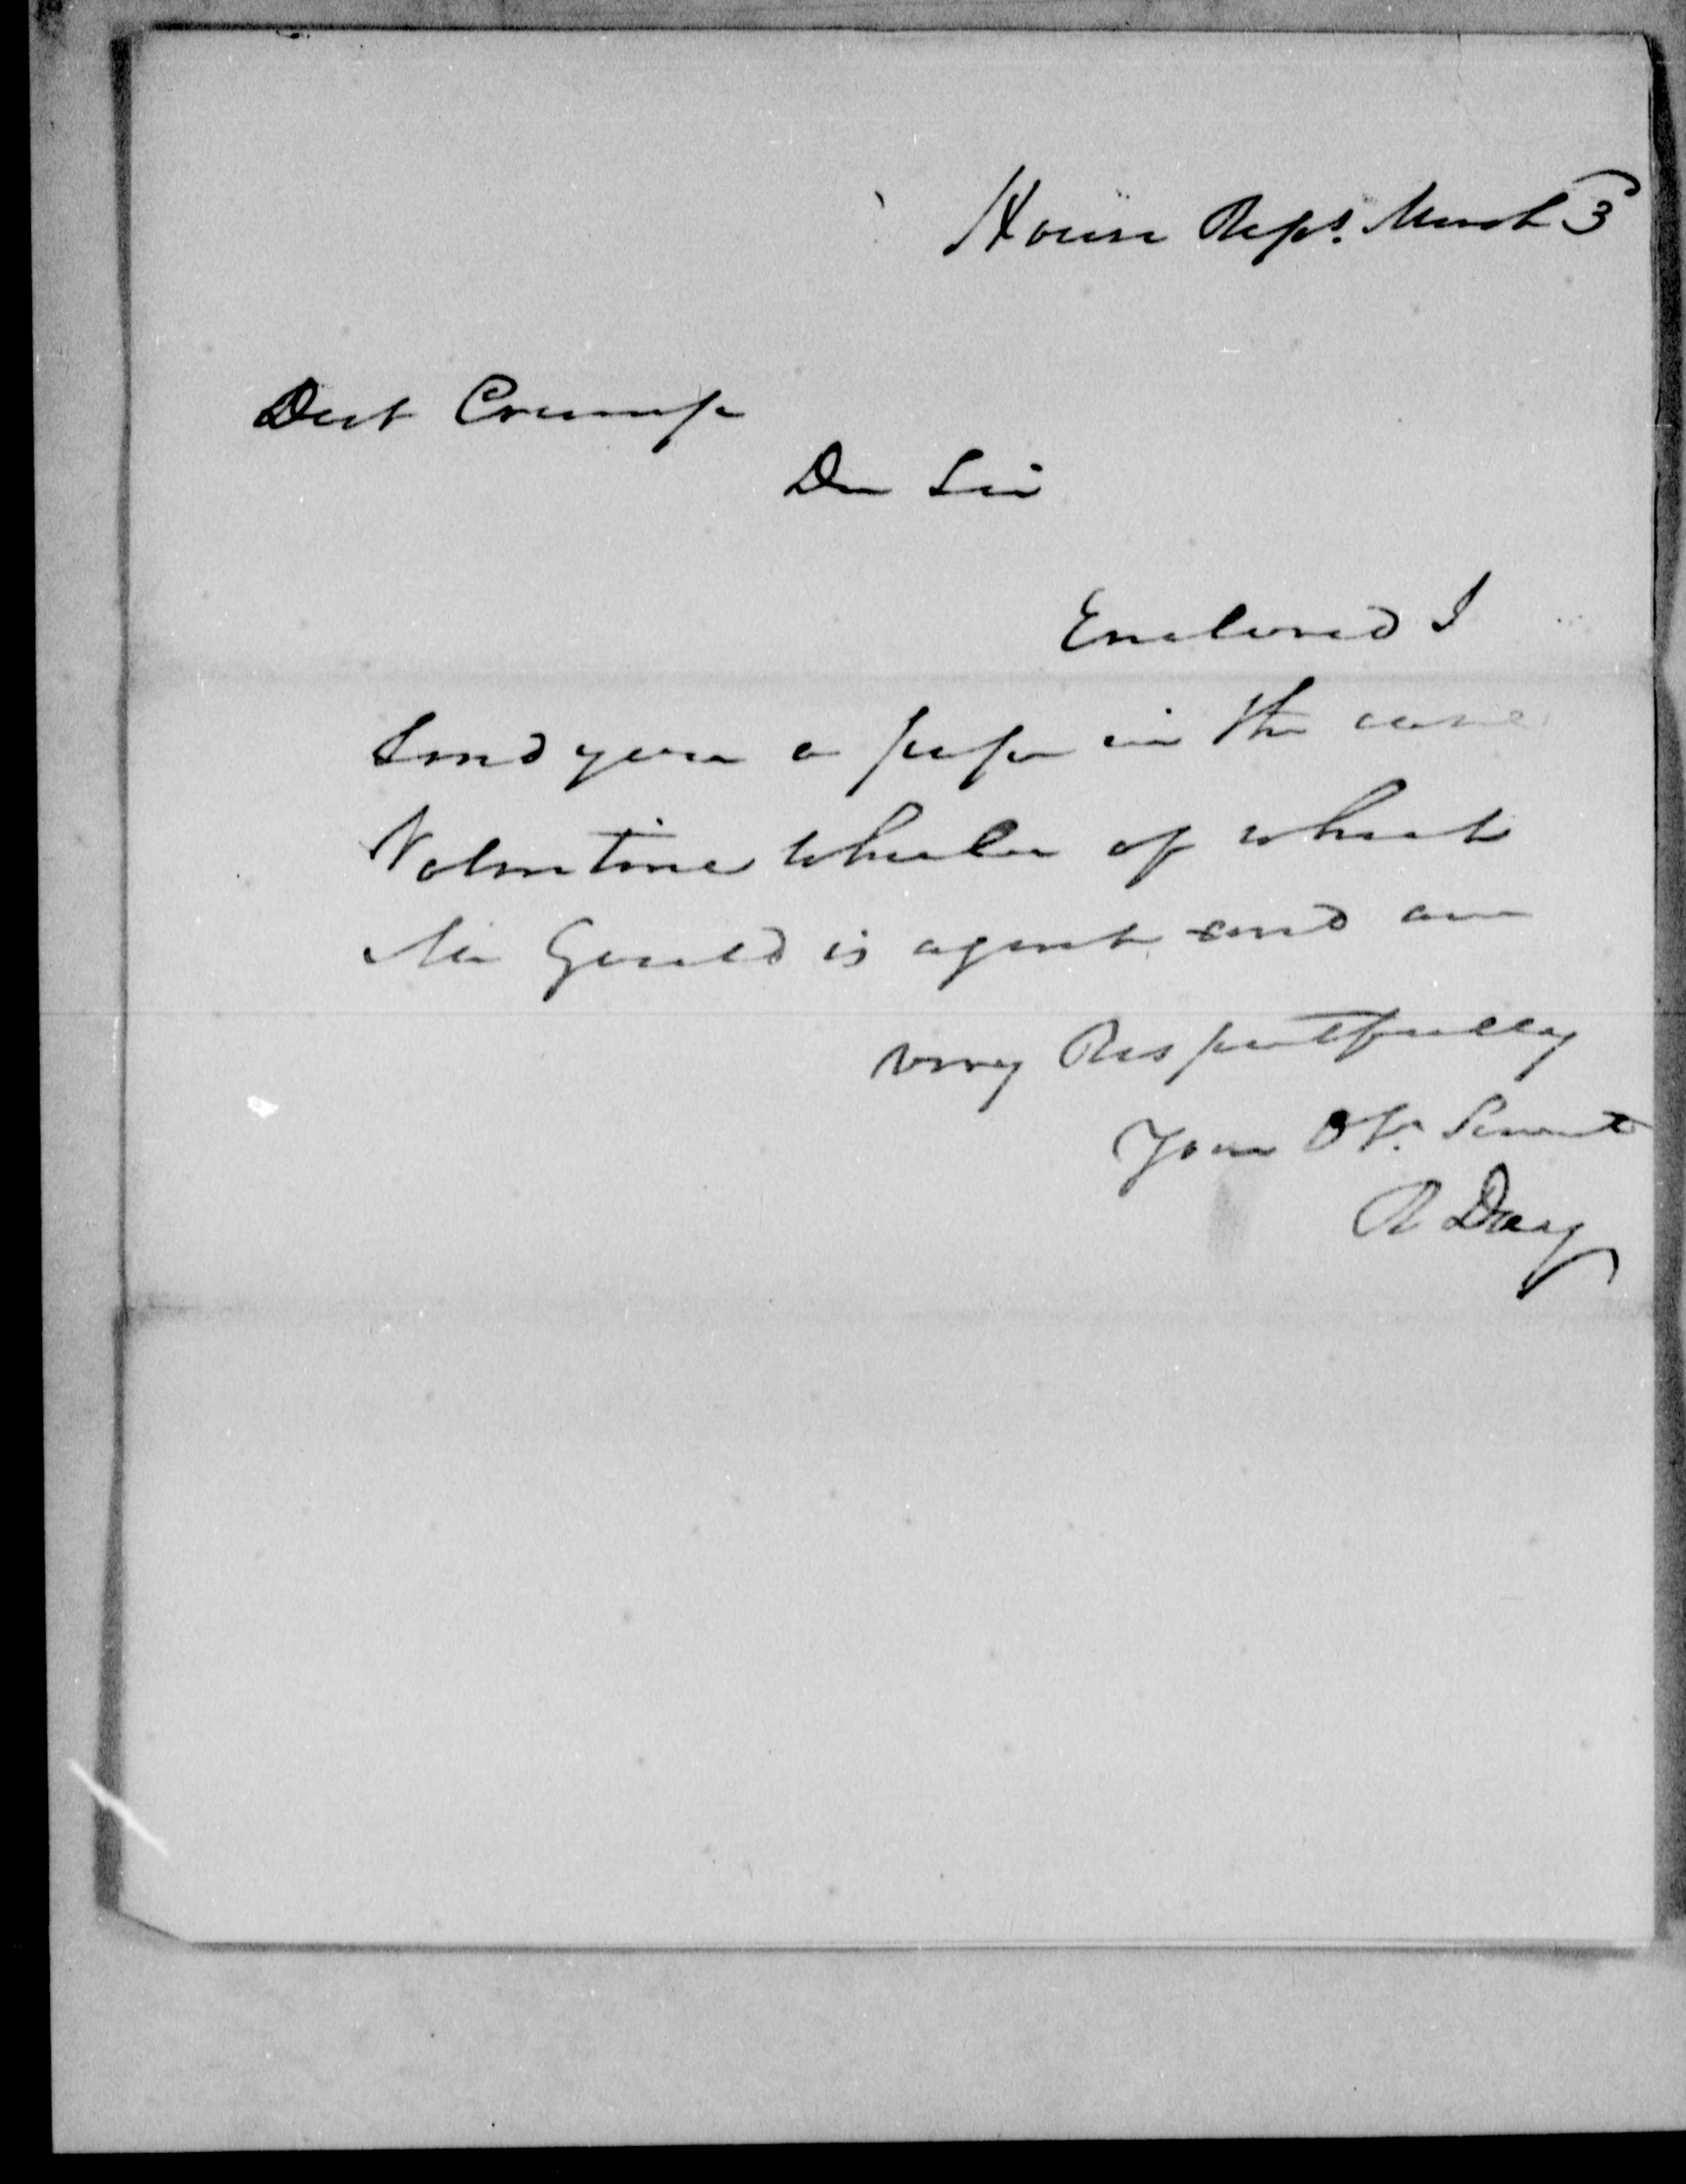House Reps. March 3d

Doct. Crump

Dr sir
Enclosed I send you a paper in the case of Valentine Wheeler of which Mr. Gould is agent and am
very Respectfully
Your obt. servant
R. Day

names: R Day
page: 70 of 98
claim: widow's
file: W. 1682, Valentine Wheeler, Mass.